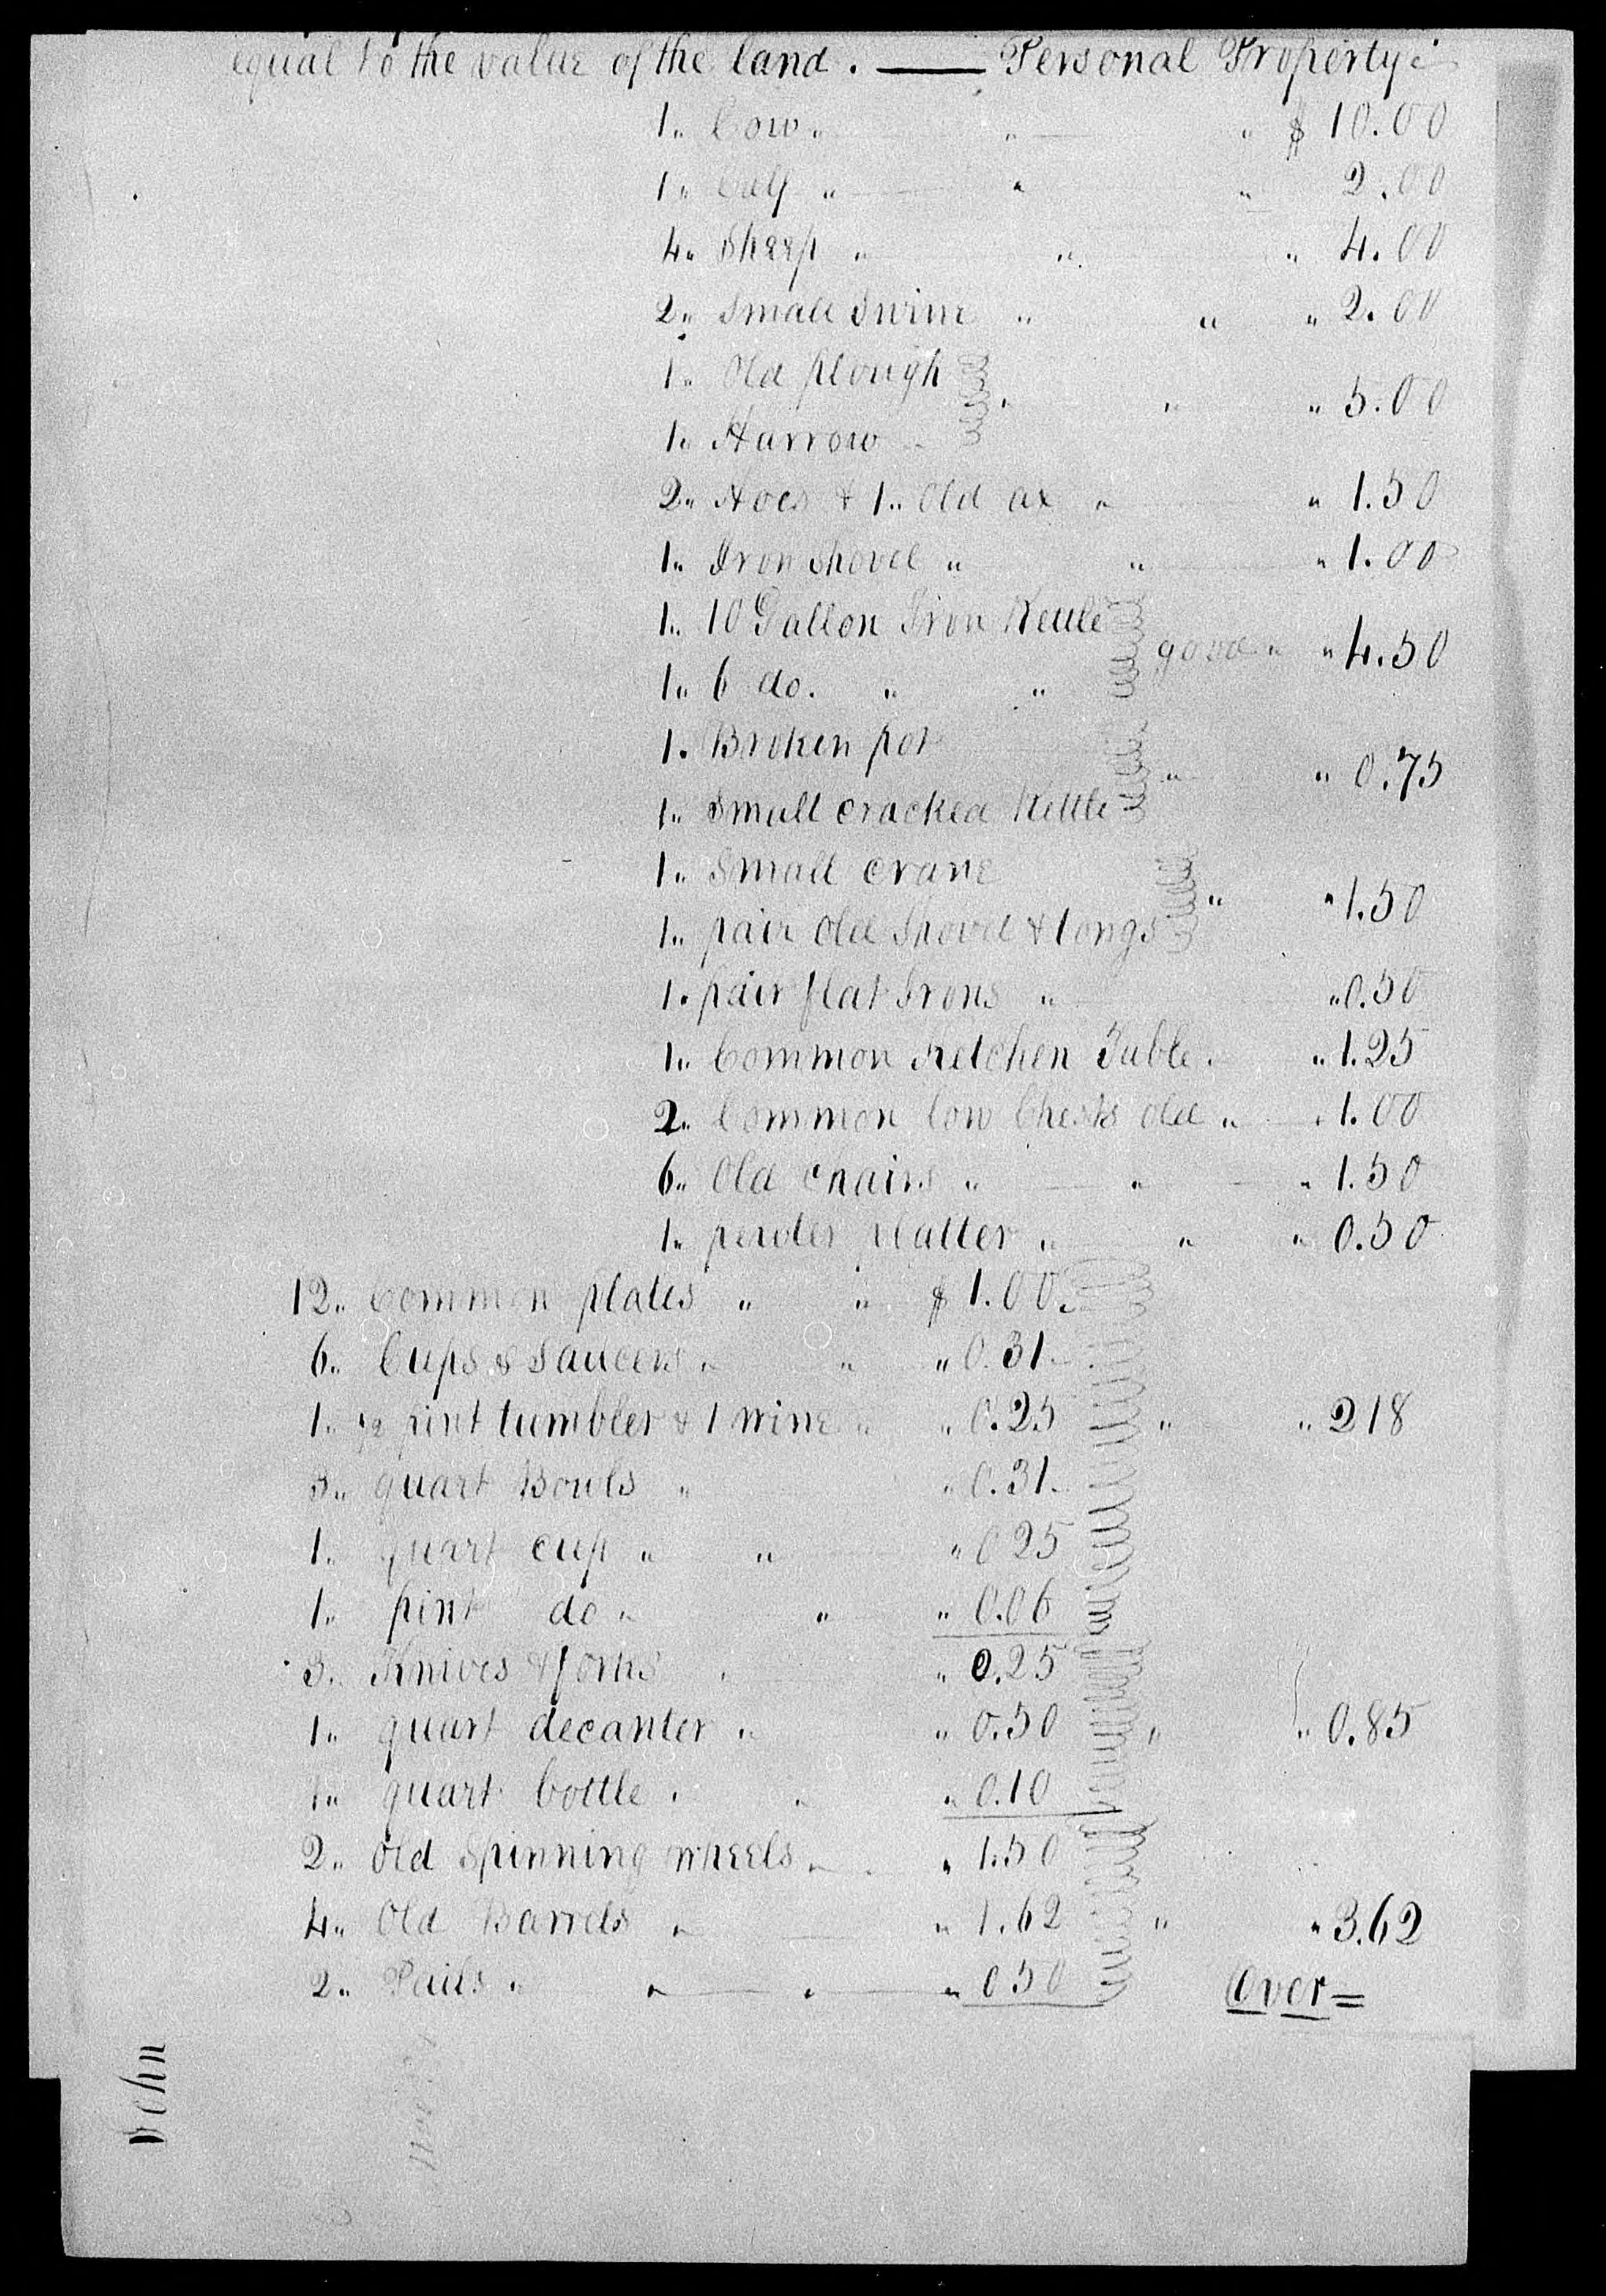equal to the value of the land. - Personal Property -
1. Cow " " " $10.00
1. Calf " " " 2.00
4. Sheep " " " 4.00
2. Small Swine " " " 2.00
1. Old plough }
1. Harrow } " " " 5.00
2. Hoes & 1 old ax " " 1.50
1. Iron Shovel " " " 1.00
1. 10 Gallon Iron Kettle }
1. 6 do. } good " "  4.50
1. Broken pot }
1. Small cracked Kettle } .75
1. Small crane }
1. pair old Shovel & tongs } 1.50
1. pair flat Irons " " .50
1. Common Kitchen Table " 1.25
2. Common low Chests old " " 1.00
6. Old chairs " " " 1.50
1. pewter platter " " " .50
12. Common plates " " $1.00 }
6. Cups & Saucers " " " .31 }
1. 1/2 pint tumbler & 1 wine " " .25 } 2.18
3. quart Bowls " " .31 }
1. quart cup " " " .25 }
1. pint do " " " .06}
3. Knives & forks " " .25 }
1. quart decanter " " .50 0.85
1. quart bottle " " " .10 }
2. old Spinning wheels " " " 1.50 }
4. Old Barrels " " " 1.62 } 3.62
2. Pails " " " " 0.50 Over=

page: 21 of 36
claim: survivor's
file: S. 42,792, for John Kimball, Connecticut